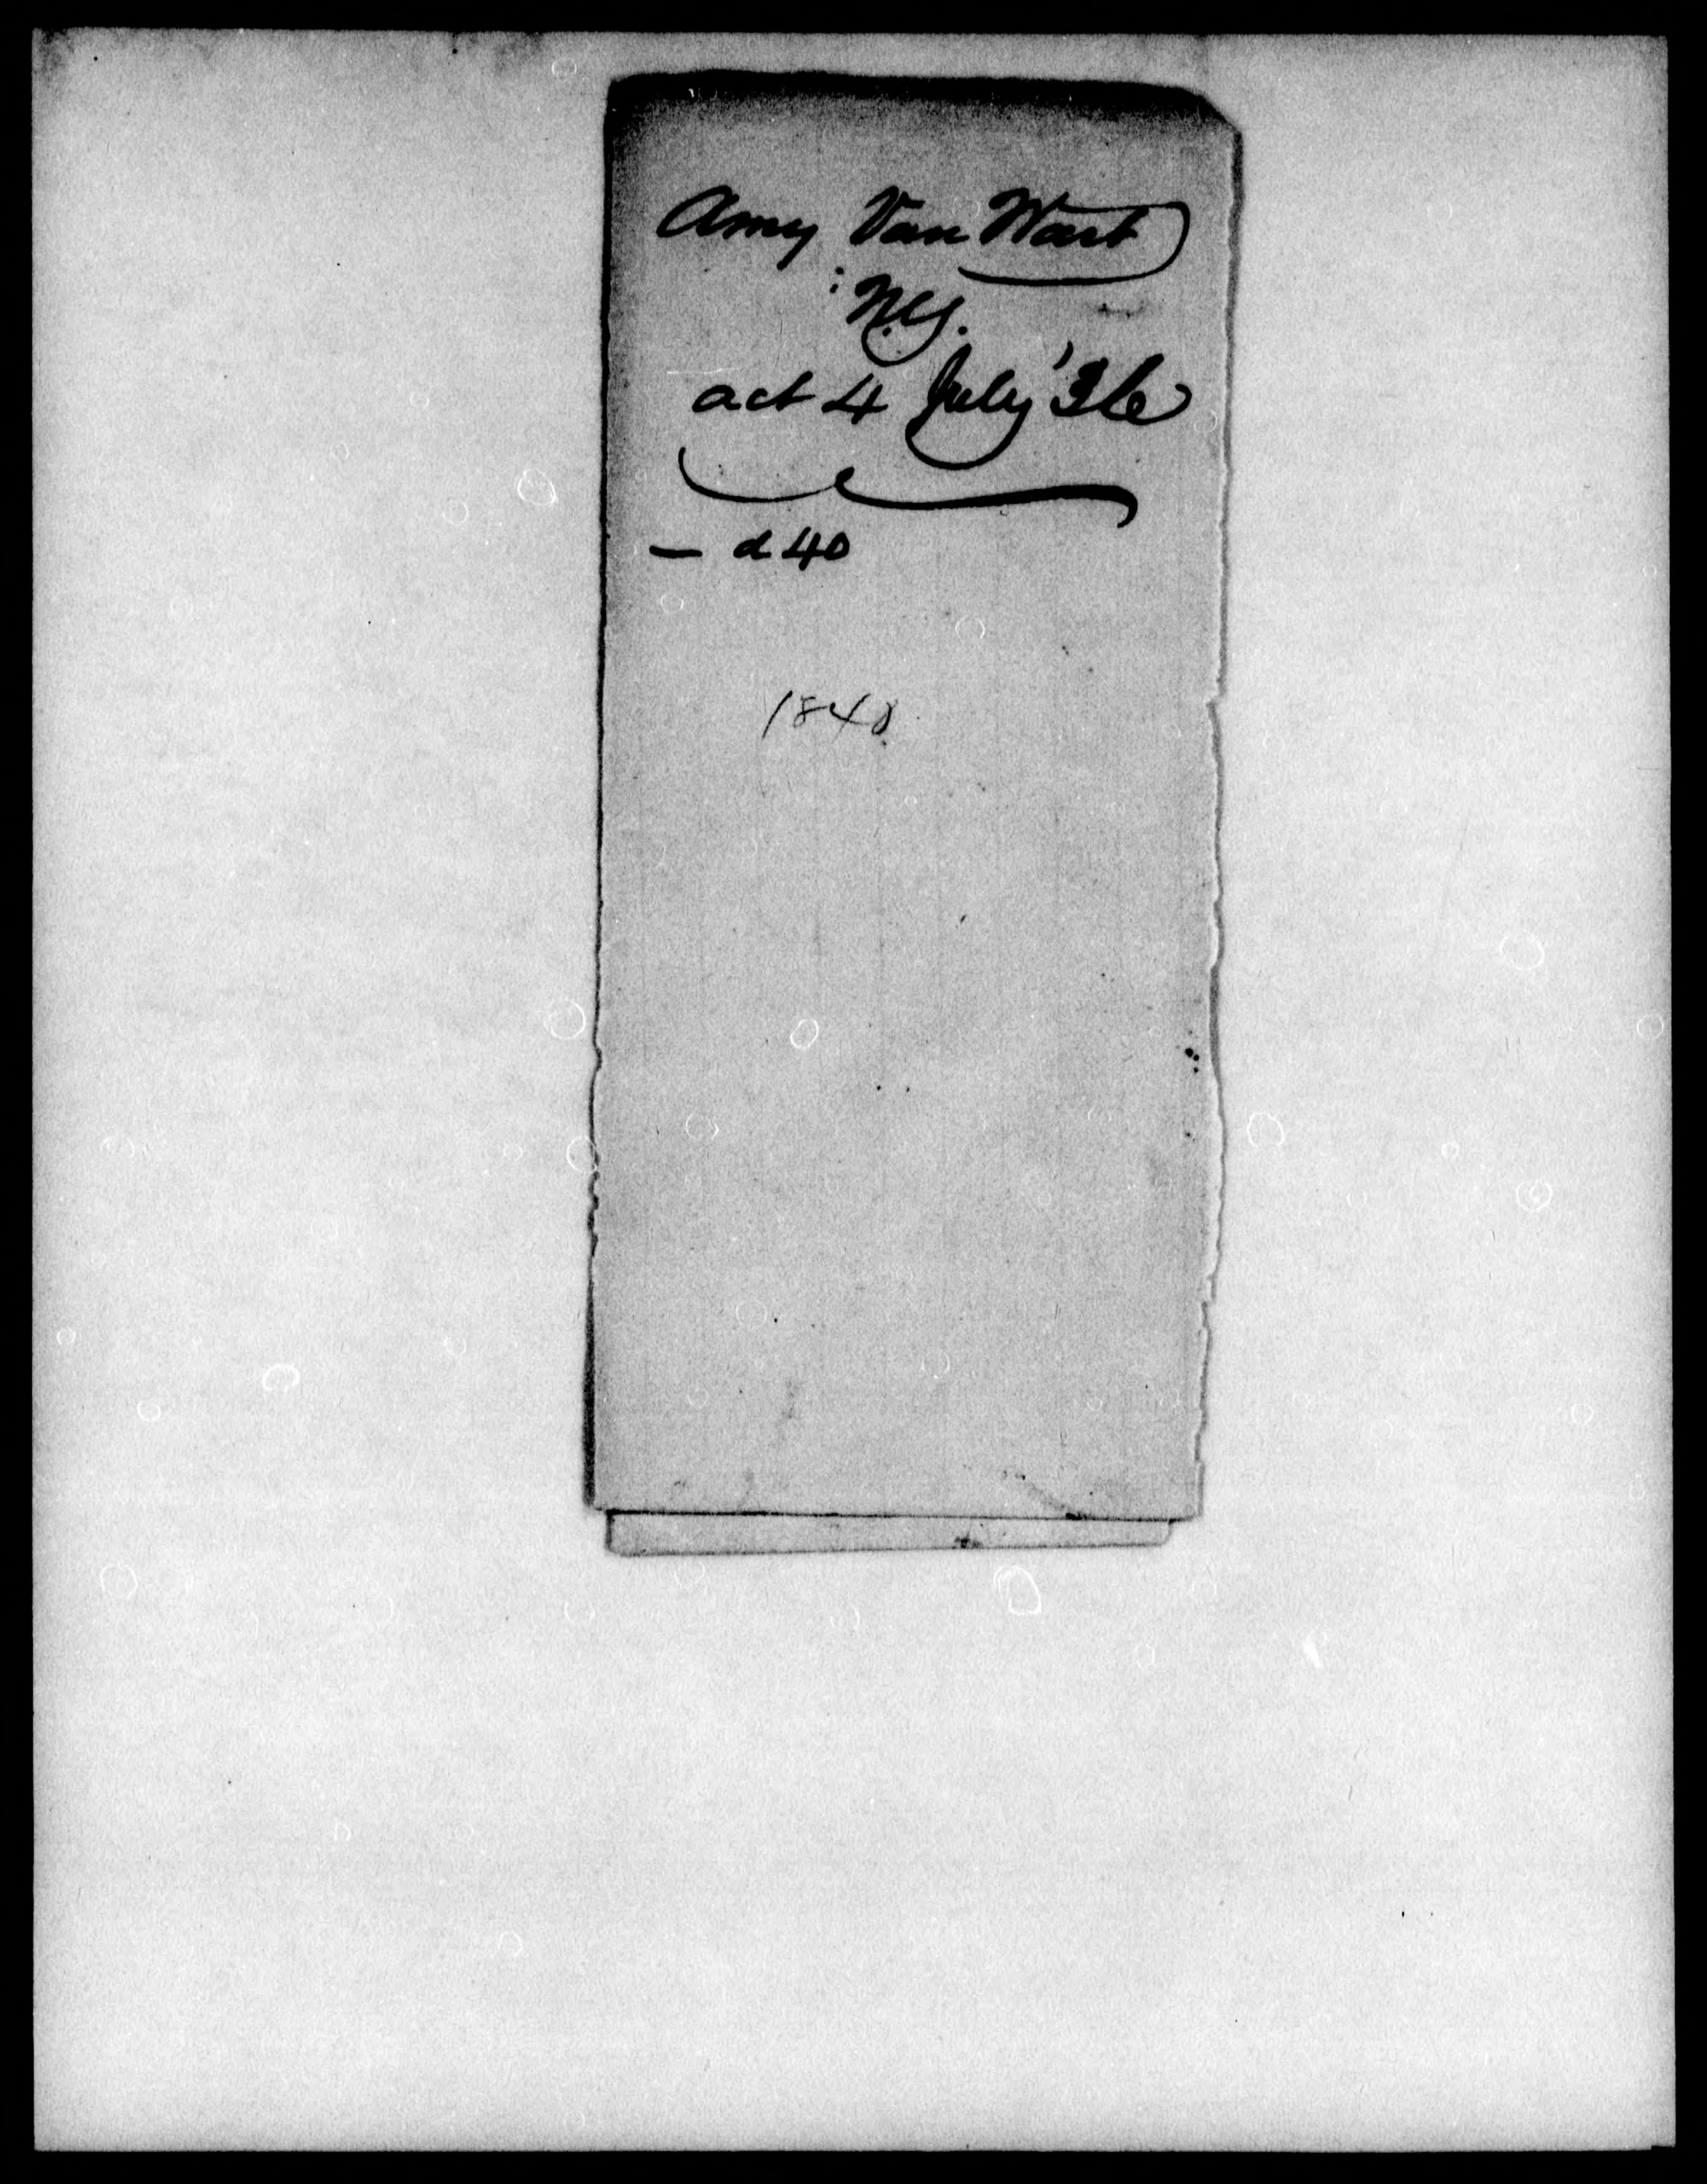Amy Van Wart
N.Y.
act 4 July '36
- d40

1840.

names: Amy Van Wart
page: 24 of 102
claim: widow's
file: W. 18239, Isaac Van Wart, New York